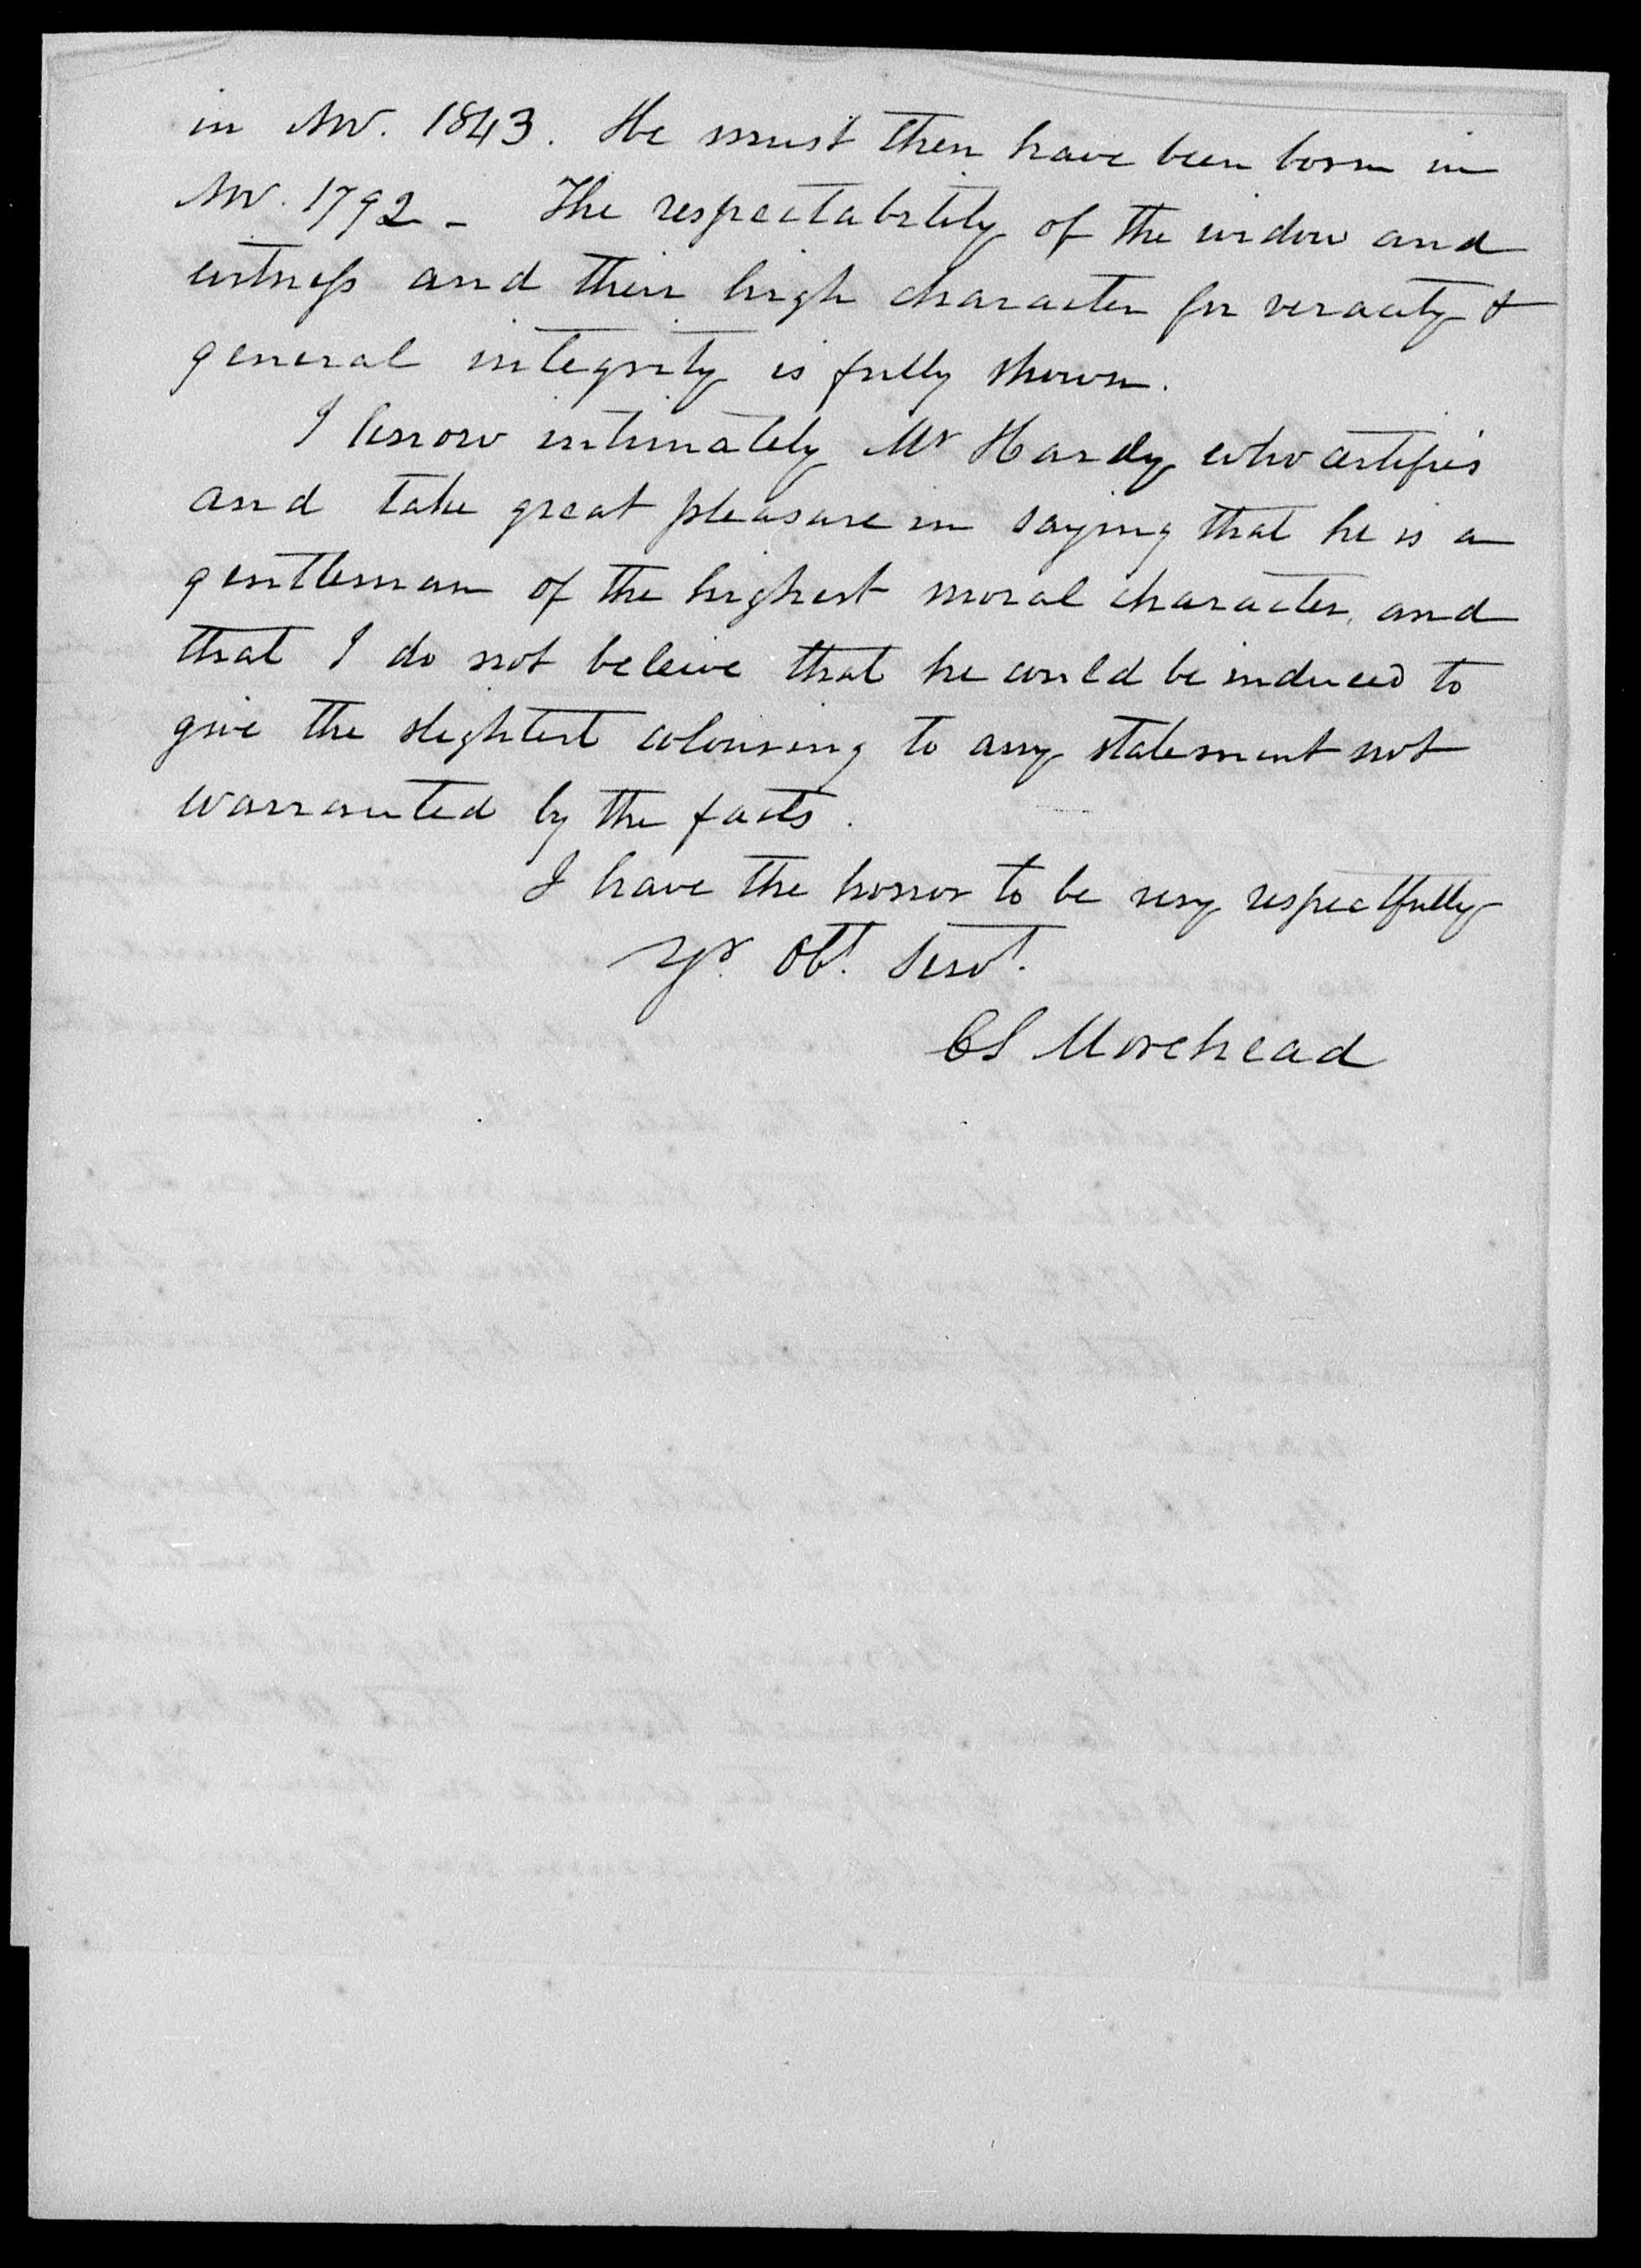in November. 1843.  He must then have been born in Nov. 1792.  The respectability of the widow and witness and their high character for veracity & general integrity is fully shown.  

I know intimately Mr Hardy who certifies and take great pleasure saying that he is a gentleman of the highest moral character, and that I do not beleive (sic) that he could be induced to give the slightest coloring to any statement not warranted by the facts.

I have the honor to be very respectfully
yr, ob't serv't
                          C S Morehead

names: C S Morehead, Hardy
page: 42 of 58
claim: widow's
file: W. 8932, John Hiser, Penn.